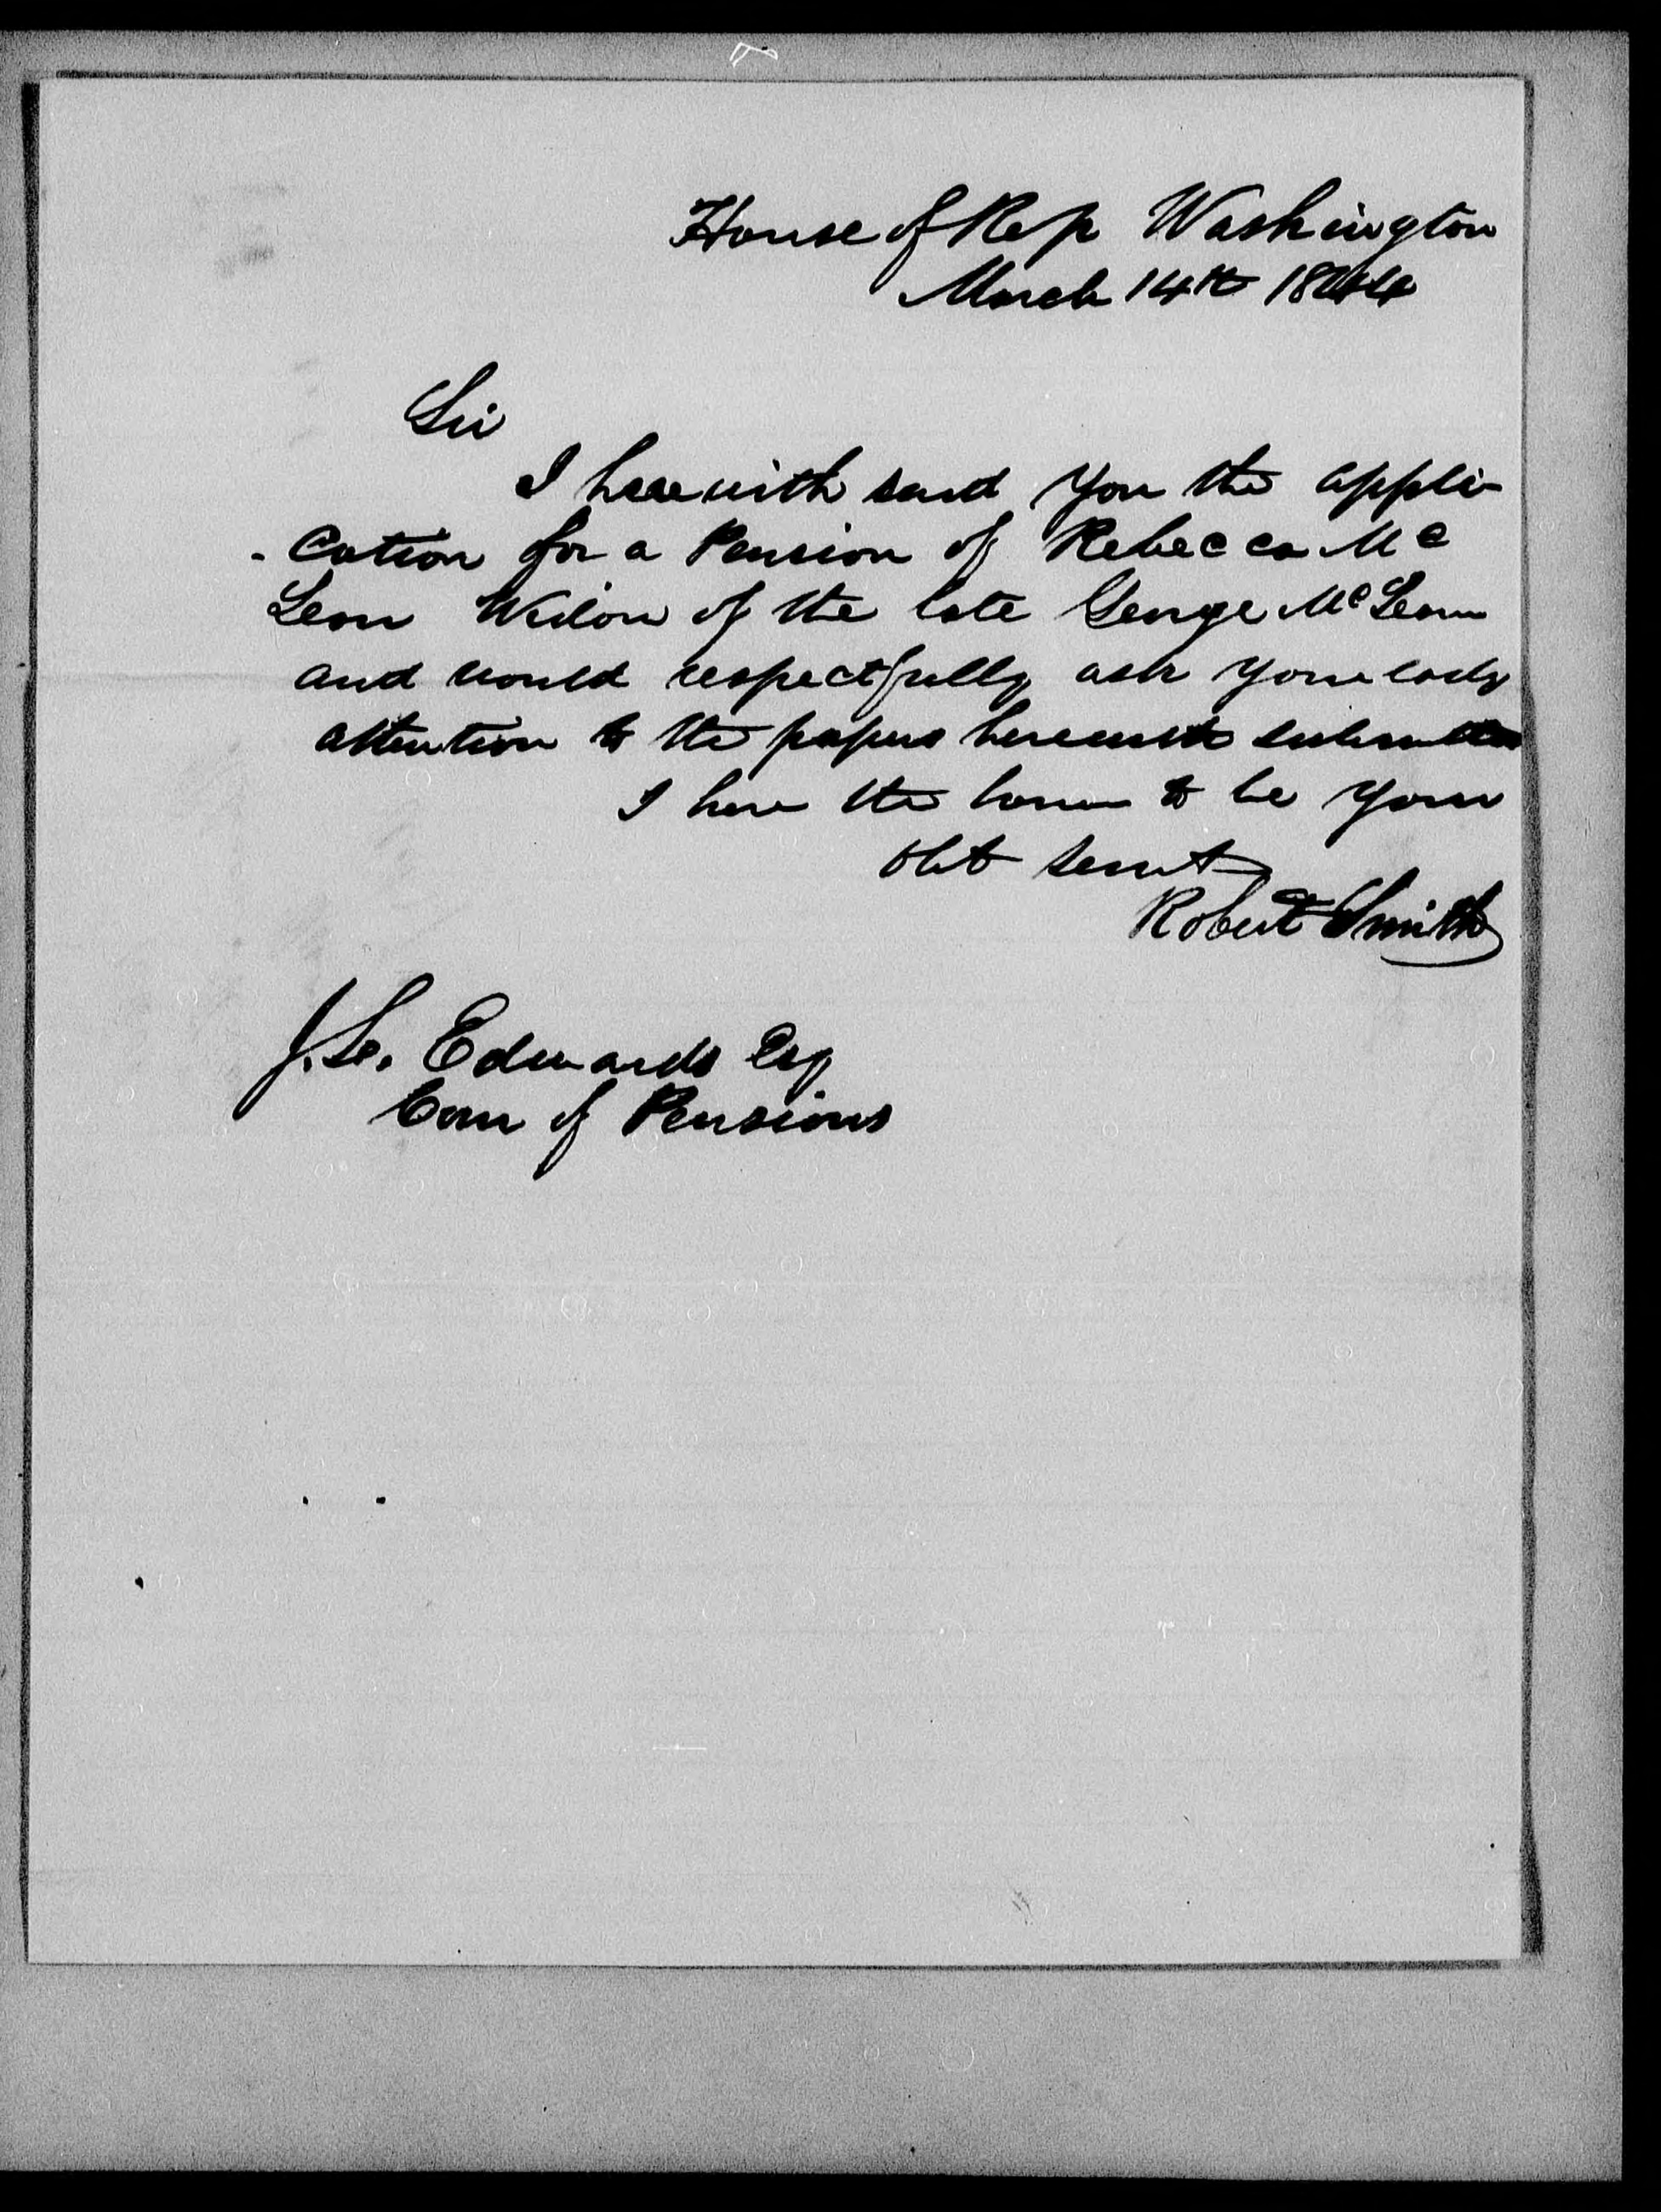House of Rep Washington 
March 14th 1844 

Sir
I herewith send you the application for a Pension of Rebecca McLean Widow of the late George McLean and would respectfully ask your early attention to the papers hereunto subscribed 
I have the honor to be your 
Obt Servt 
Robert Smith 

J. Edwards Esq 
Com of Pensions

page: 37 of 67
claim: widow's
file: W. 21793, for George Mc Lain, North Carolina